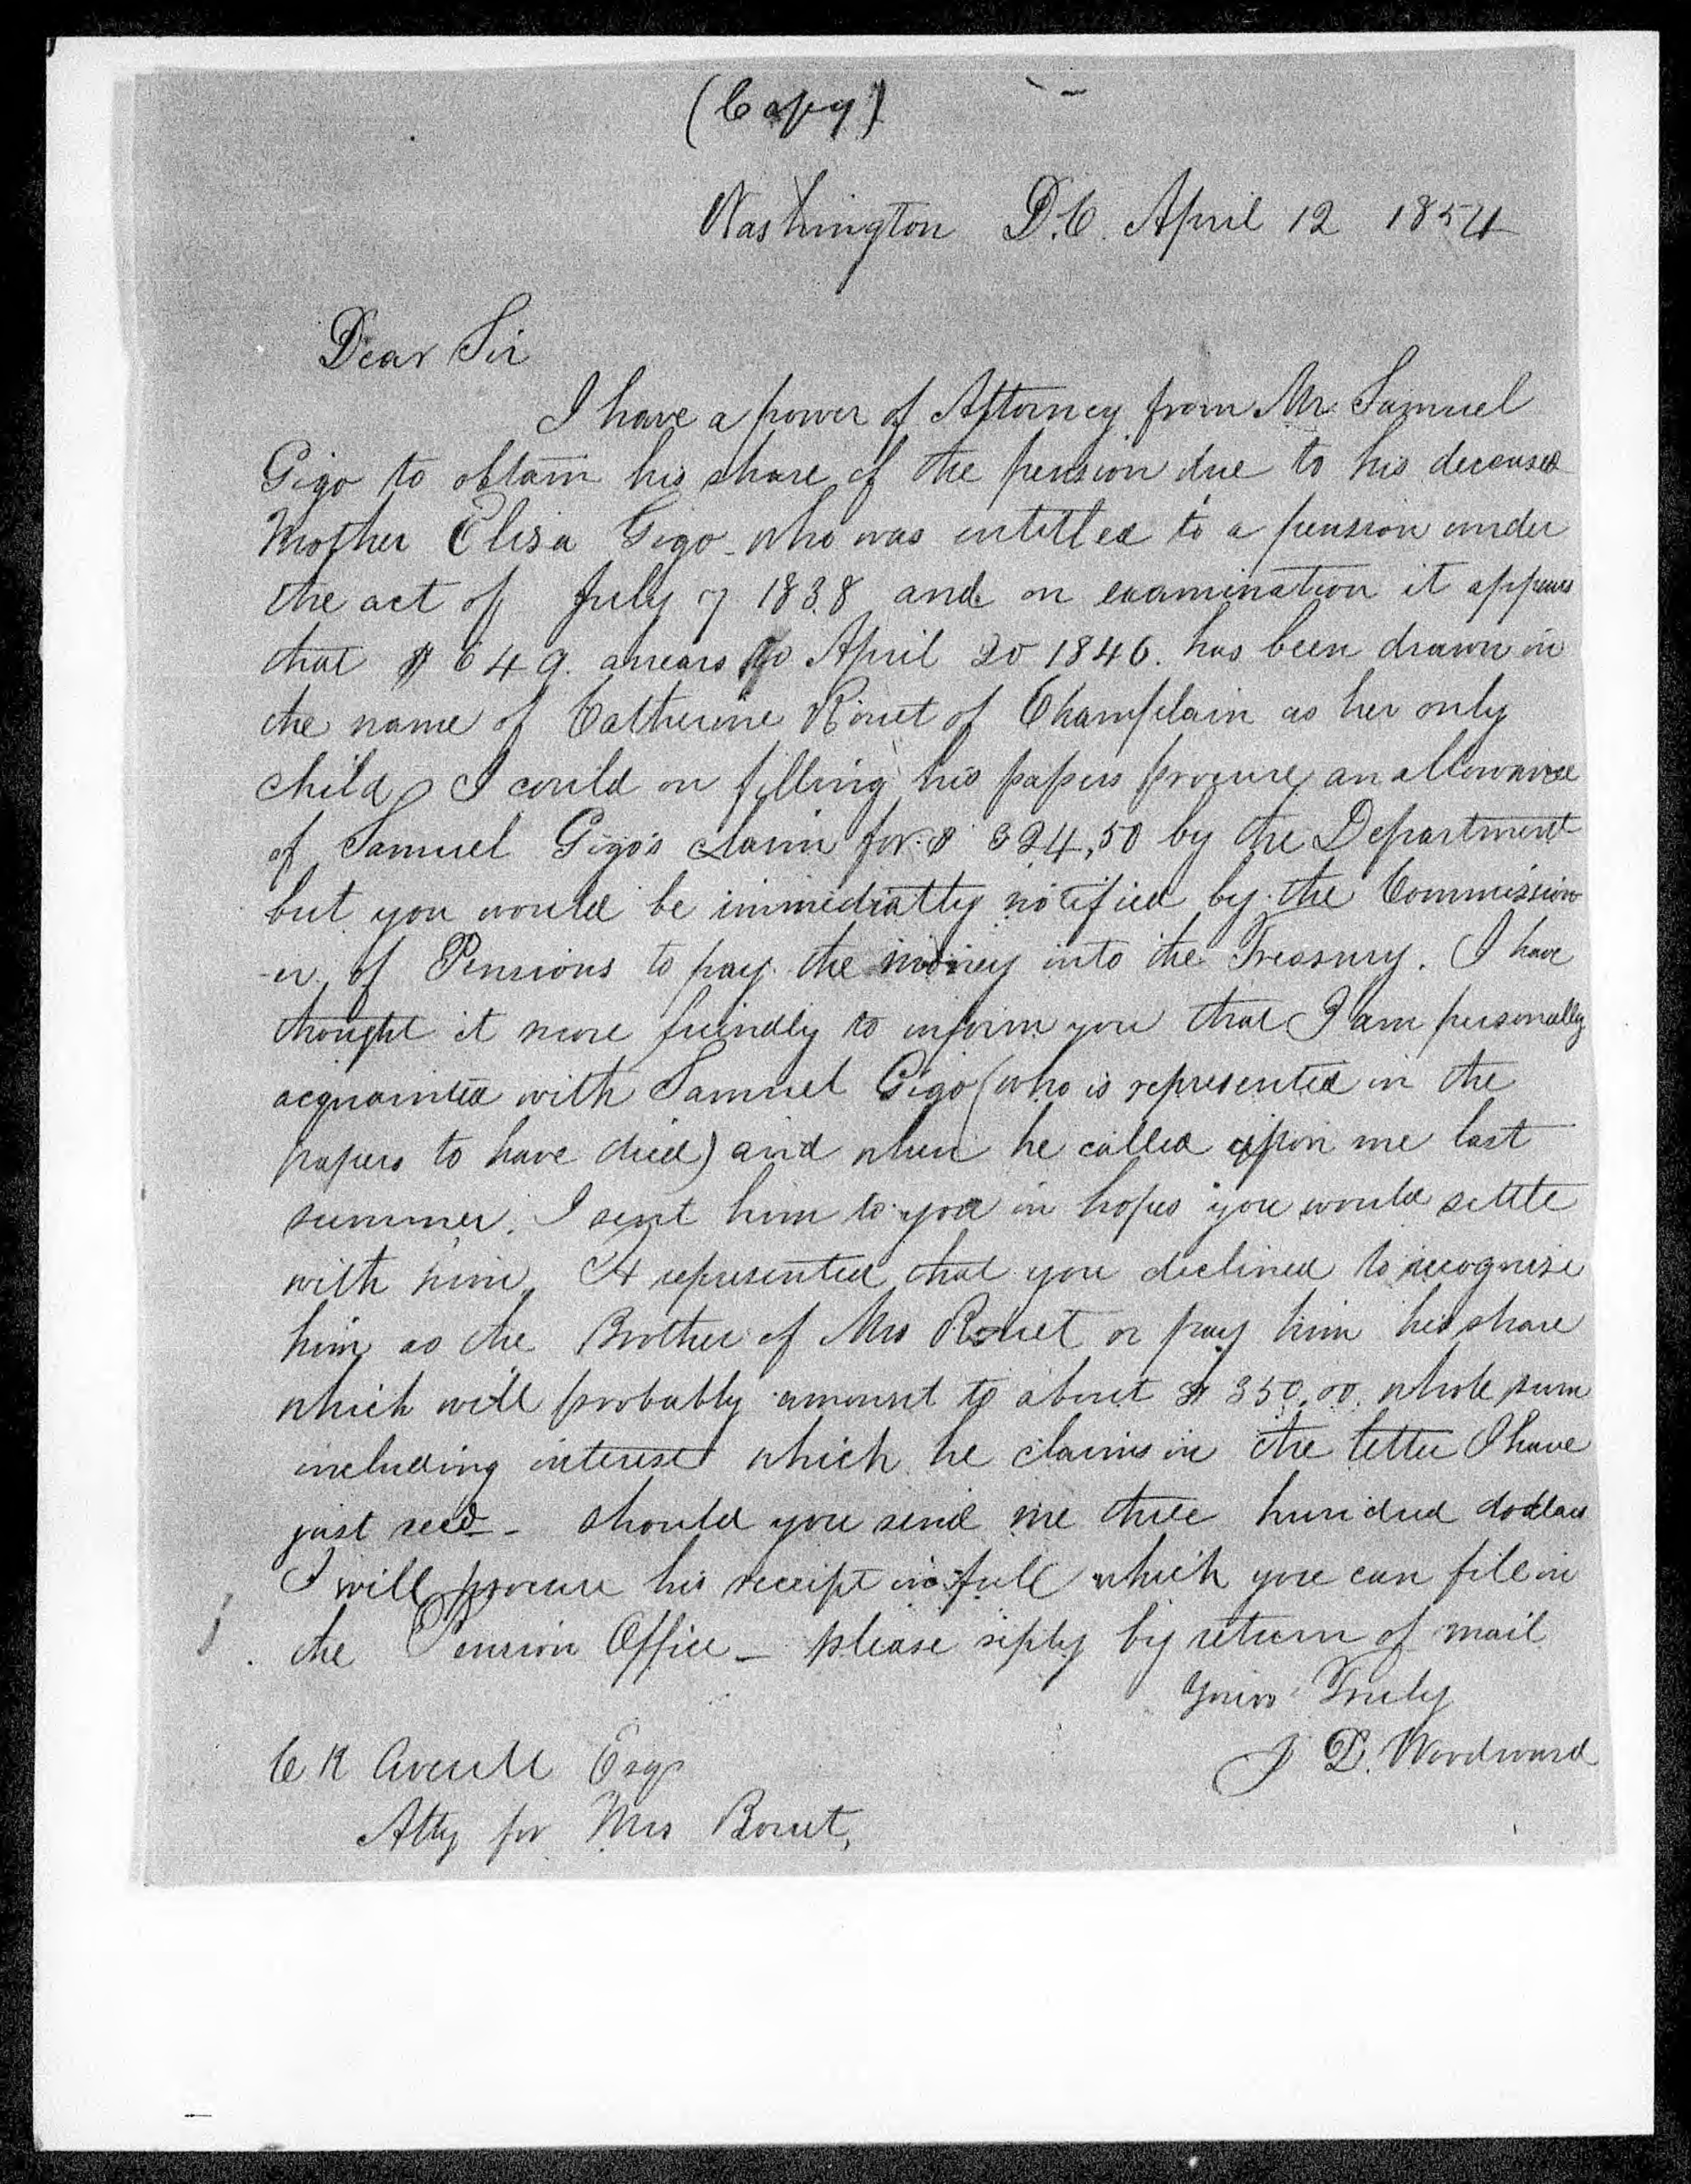(Copy)
Washington D.C. April 12, 1854

Dear Sir
   I have a power of Attorney from Mr. Samuel Gigo to obtain his share of the pension due to his deceased Mother Eliza Gigo, who was entitled to a pension under the act of July 7 1838 and on examination it appears that $649 arrears of April 20, 1846 has been drawn in the name of Catherine Roust of Champlain as her only child. I could on filling in his papers procure an allowance of Samuel Gigo's claim for $324.50 by the Department but you would be immediatly notified by the Commissioner of Pensions to pay the money into the Treasury. I have thought it more friendly to inform you that I am personally acquainted with Samuel Gigo (who is represented in the papers to have died) and when he called upon me last summer, I sent him to you in hopes you would settle with him. I represented that you declined to recognise him as the Brother of Mrs. Roust or pay him his share which will probably amount to about $350.00 whole sum including interest which he claims in the letter I have just recd. Should you send me three hundred dollars I will procure his receipt in full which you can file in the Pension Office -
please reply by return of mail
Yours Truly
J. D. Woodward
C. H. Averill Esq. Atty for Mrs. Roust,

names: Samuel Gigo, Catherine Rouet, J D Woodward, Rouet, Samuel Gigo, C K Averill, Eliza Gigo, Samuel Gigo, Rouet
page: 69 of 98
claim: widow's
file: W. 21182, Francis Gigo, Continental (Canadian)